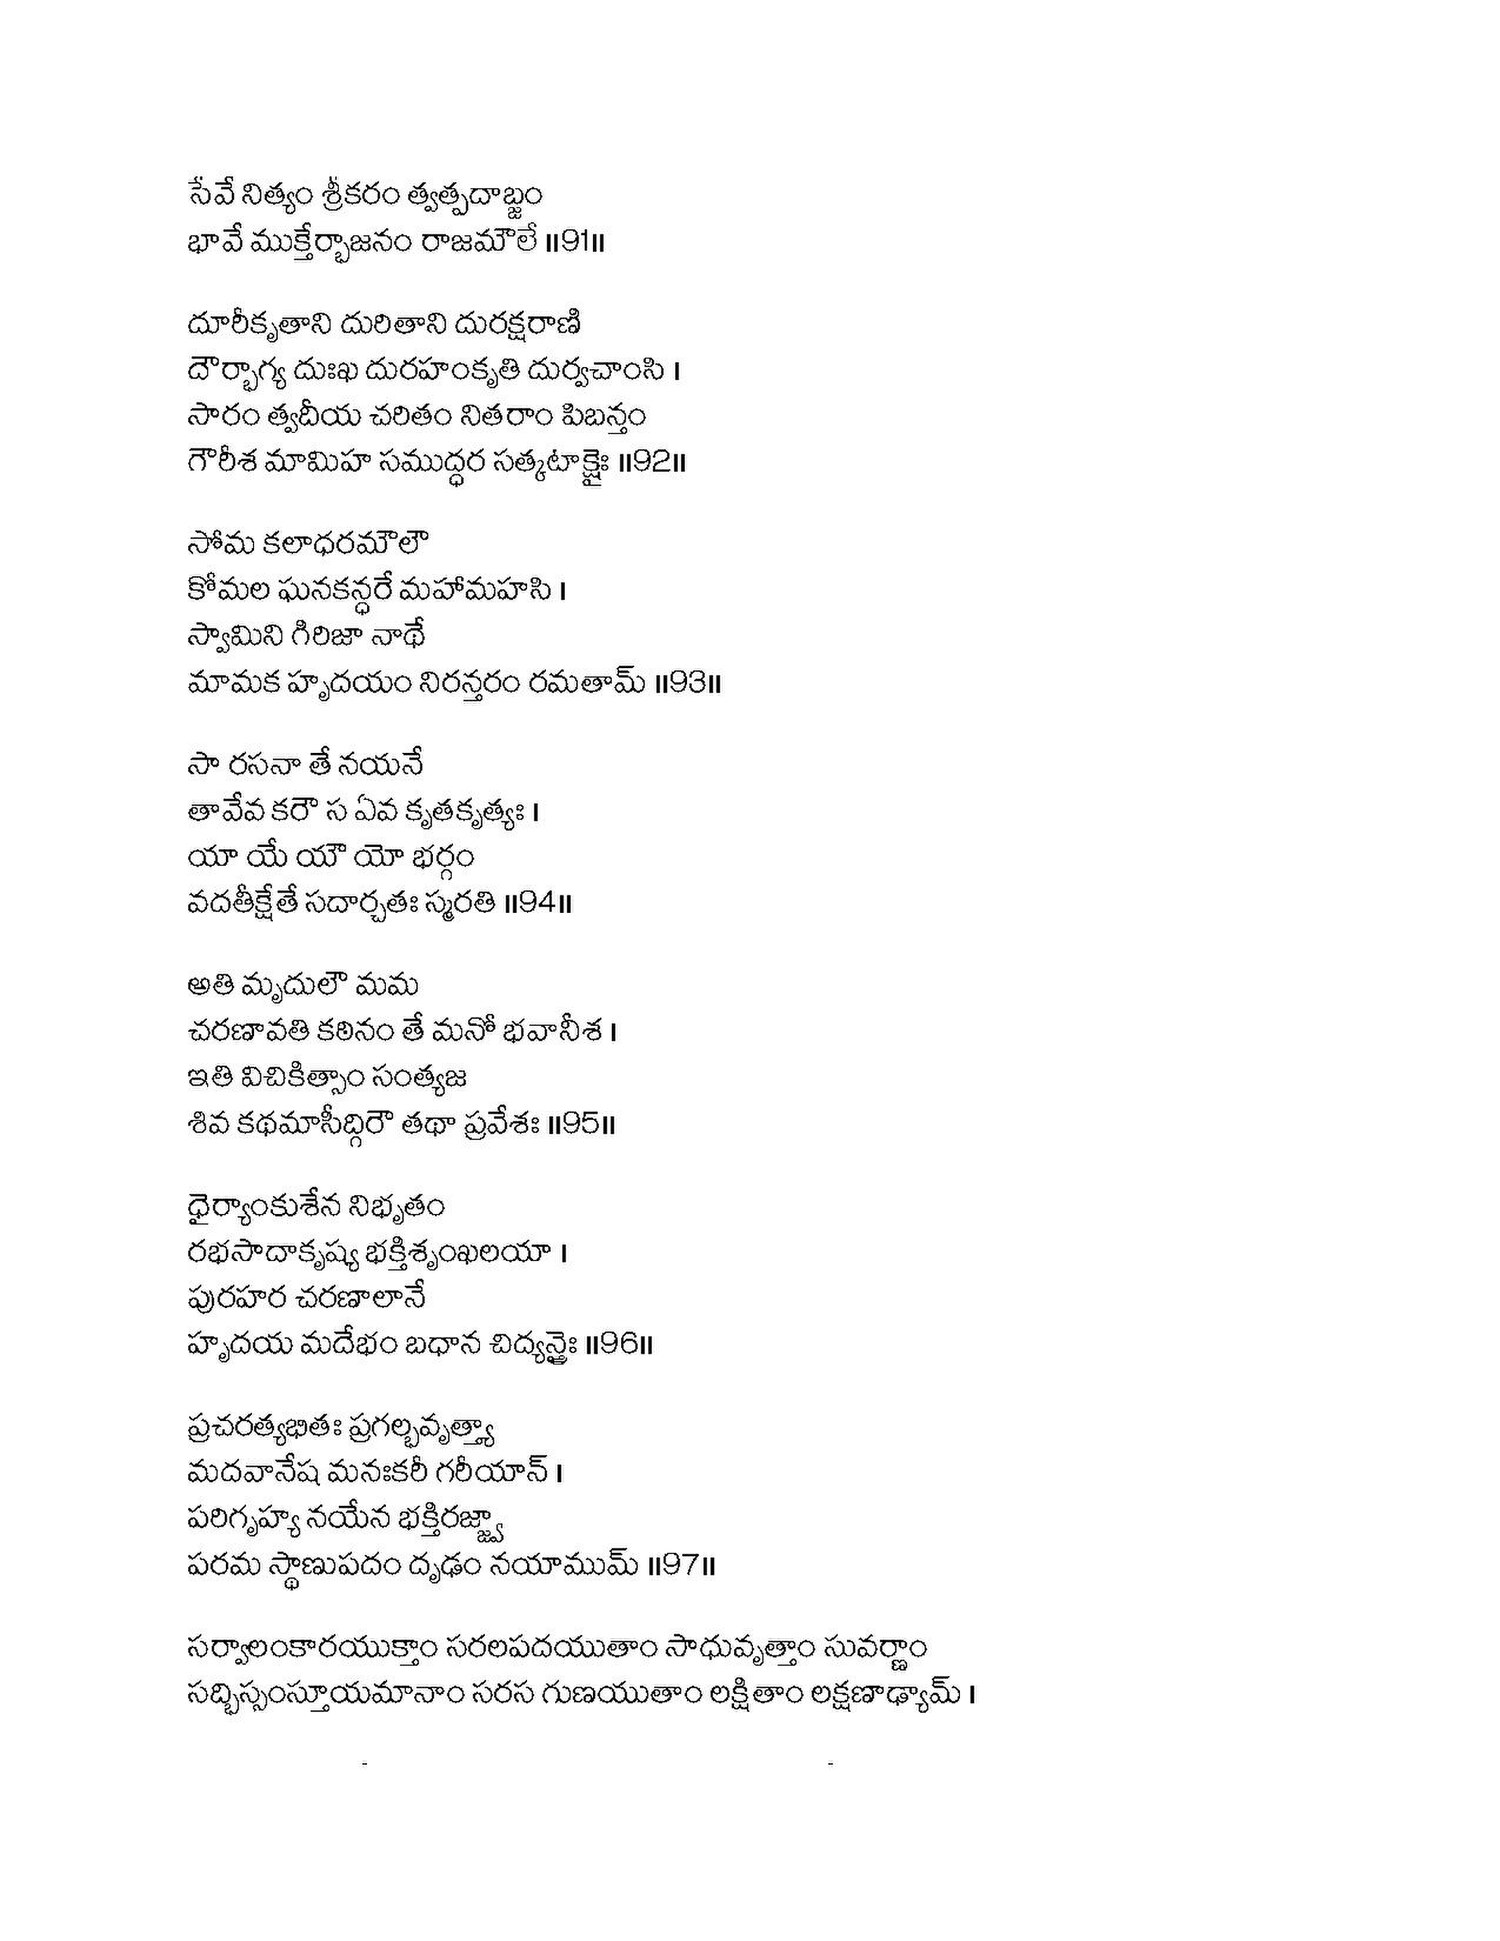సేవే నిత్యం శ్రీకరం త్వత్పదాబ్జం 
భావే ముక్తేర్భాజనం రాజమౌలే ||91|| 

దూరీకృతాని దురితాని దురక్షరాణి
దౌర్భాగ్య దుఃఖ దురహంకృతి దుర్వచాంసి |
సారం త్వదీయ చరితం నితరాం పిబన్తం 
గౌరీశ మామిహ సముద్ధర సత్కటాక్షైః ||92||

సోమ కలాధరమౌలౌ
కోమల ఘనకన్జరే మహామహసి |
స్వామిని గిరిజా నాథే
మామక హృదయం నిరన్తరం రమతామ్ ||93||

సా రసనా తేనయనే
తావేవ కరౌ స ఏవ కృతకృత్యః |
యా యే యో యో భర్గం
వదతీక్షేతే సదార్చతః స్మరతి ||94||

అతి మృదులౌ మమ
చరణావతి కఠినం తే మనోభవానీశ|
ఇతి విచికిత్సాం సంత్యజ
శివ కథమాసీద్గిరౌ తథా ప్రవేశః ||95||

ధైర్యాంకుశేన నిభృతం
రభసాదాకృష్య భక్తిశృంఖలయా |
పురహర చరణాలానే
హృదయ మదేభం బధాన చిద్యన్త్రైః ||96||

ప్రచరత్యభితః ప్రగల్భవృత్త్యా
మదవానేష మనఃకరీ గరీయాన్ |
పరిగృహ్య నయేన భక్తిరజ్జ్వా
పరమ స్థాణుపదం దృఢం నయాముమ్ ||97||

సర్వాలంకారయుక్తాం సరలపదయుతాం సాధువృత్తాం సువర్ణాం
సద్భిస్సంస్తూయమానాం సరస గుణయుతాం లక్షితాం లక్షణాఢ్యామ్ |